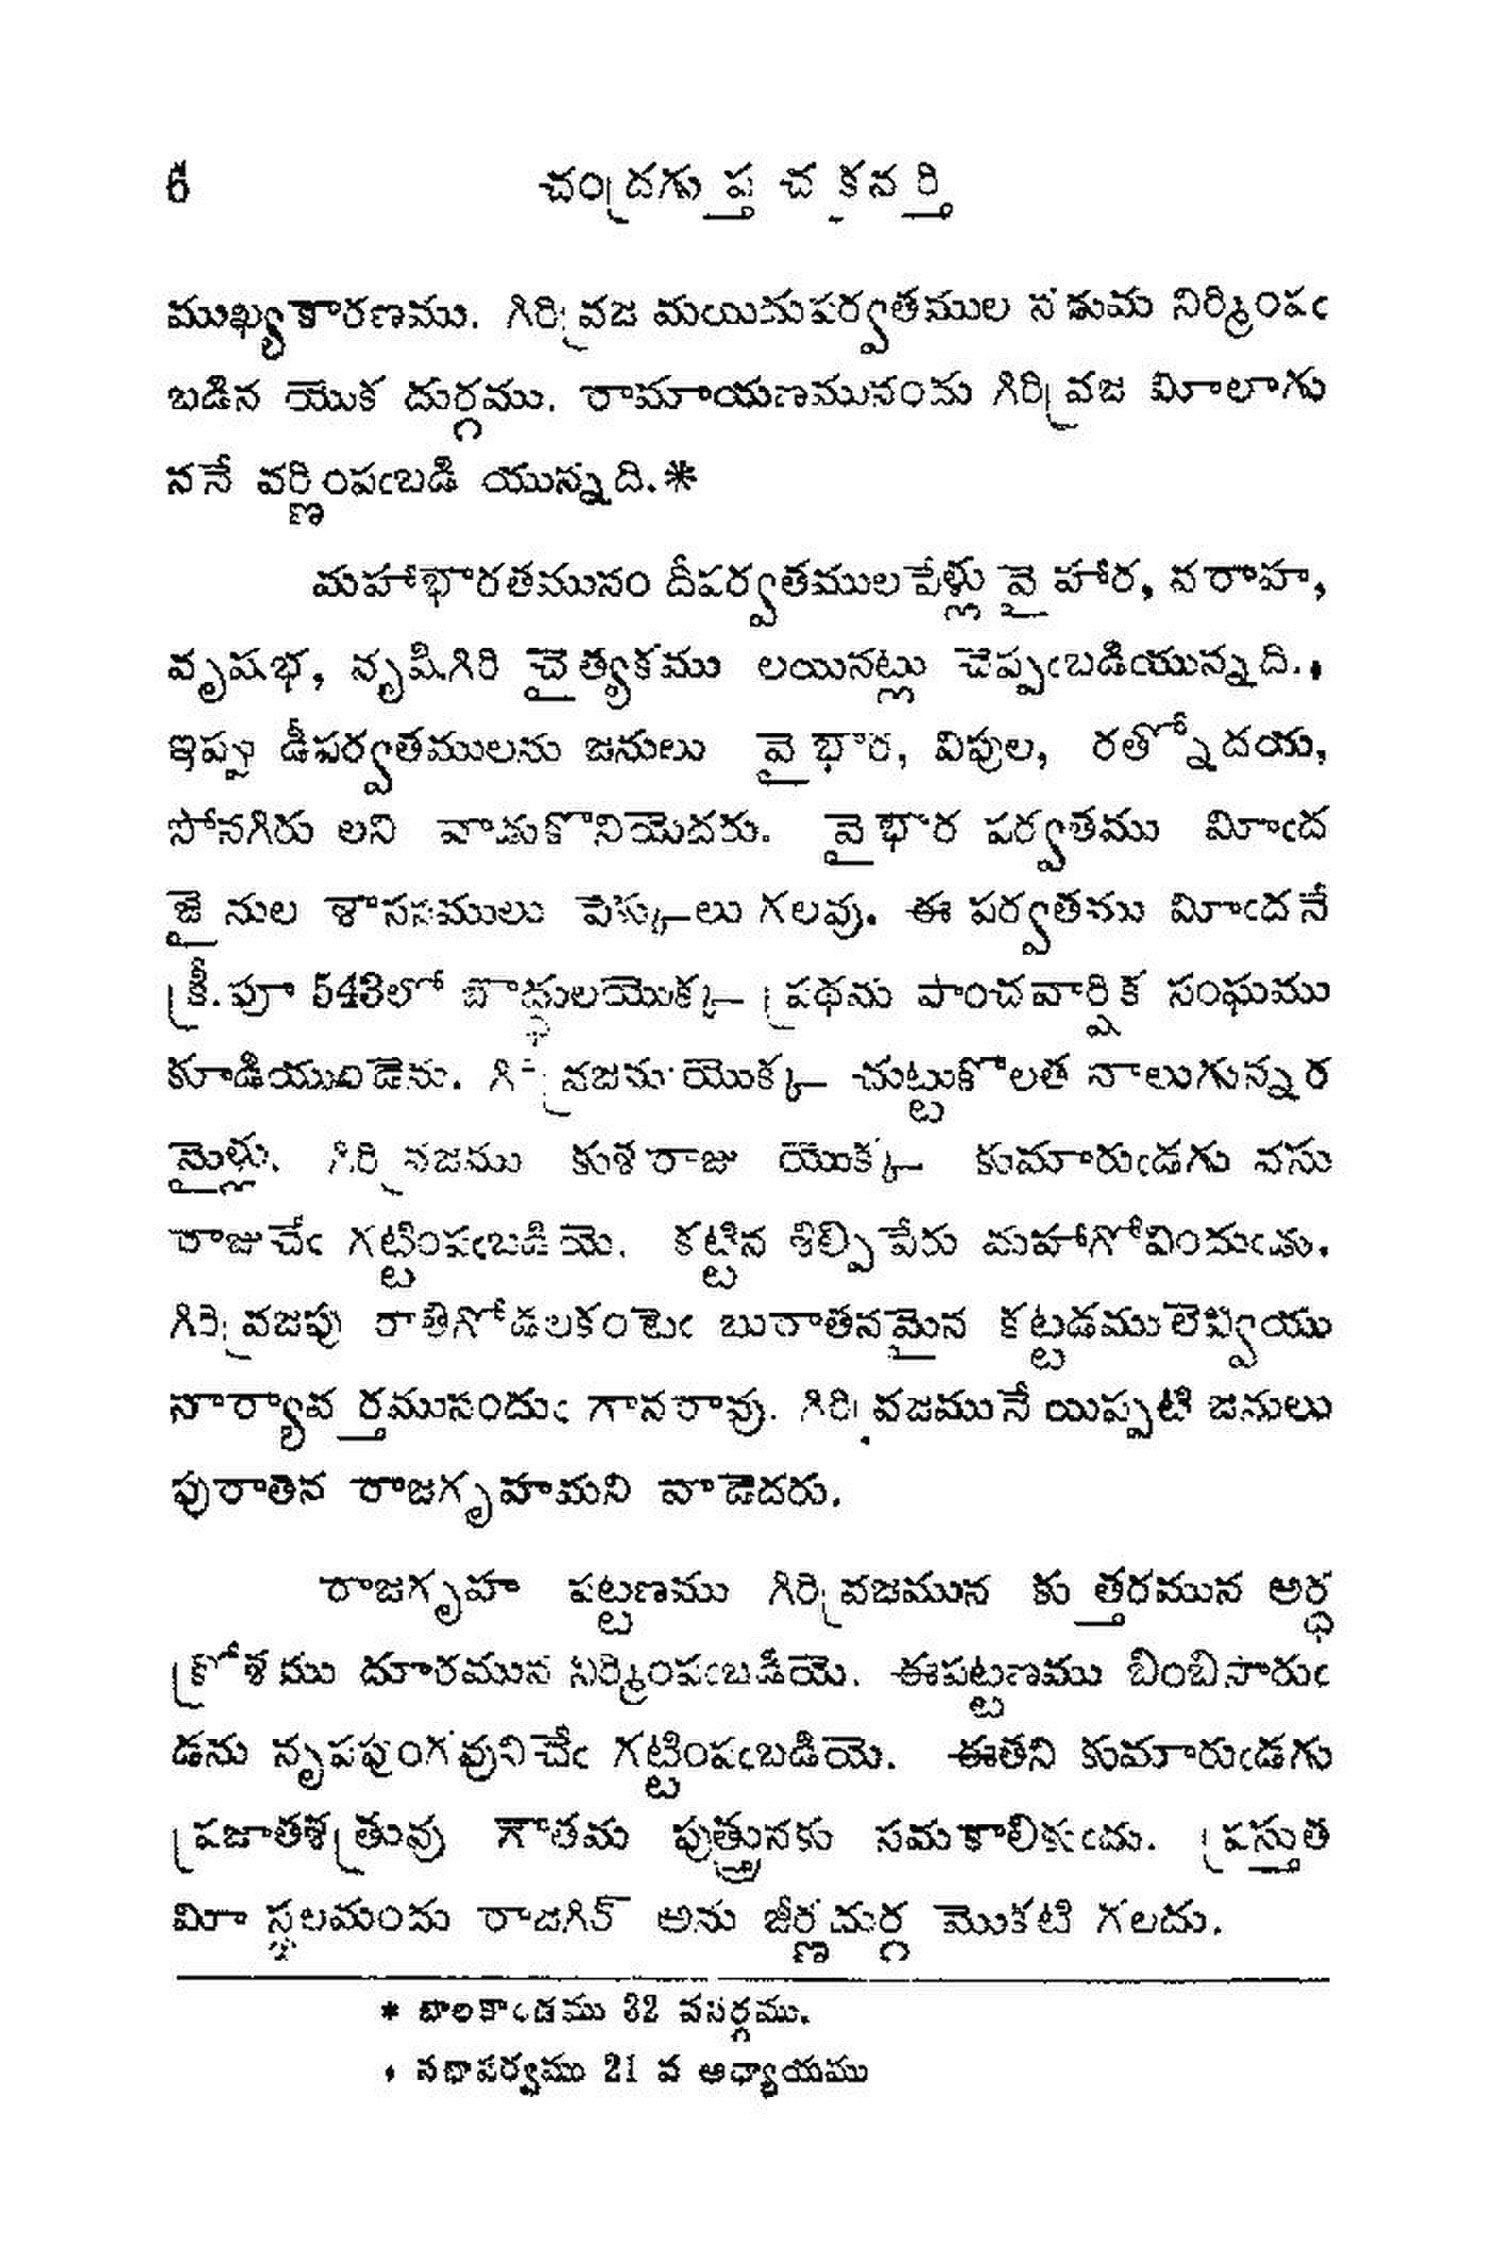ముఖ్యకారణము. గిరివ్రజ మయిదుపర్వతముల నడుమ నిర్మింపఁబడిన యొక దుర్గము. రామాయణమునందు గిరివ్రజ మీలాగుననే వర్ణింపఁబడి యున్నది.*

మహాభారతమునం దీపర్వతముల పేళ్లు వైహార, వరాహ, వృషభ, నృషిగిరి చైత్యకము లయినట్లు చెప్పఁబడియున్నది. ♦ఇప్పు డీపర్వతములను జనులు వైభార, విపుల, రత్నోదయ, సోనగిరు లని వాడుకొనియెదరు. వైభార పర్వతము మీఁద జైనుల శాసనములు పెక్కులు గలవు. ఈ పర్వతము మీఁదనే క్రీ. పూ 543లో బౌద్ధుల యొక్క ప్రథమ పాంచవార్షిక సంఘము కూడియుండెను. గిరివ్రజము యొక్క చుట్టుకొలత నాలుగున్నర మైళ్లు. గిరివ్రజము కుశరాజు యొక్క కుమారుఁడగు వసురాజుచేఁ గట్టింపఁబడియె. కట్టిన శిల్పి పేరు మహాగోవిందుఁడు. గిరివ్రజపు రాతిగోడలకంటెఁ బురాతనమైన కట్టడము లెవ్వియు నార్యావర్తమునందుఁ గానరావు. గిరివ్రజమునే యిప్పటి జనులు పురాతన రాజగృహమని వాడెదరు.

రాజగృహ పట్టణము గిరివ్రజమున కుత్తరమున అర్థ క్రోశము దూరమున నిర్మింపఁబడియె. ఈపట్టణము బింబిసారుఁడను నృపపుంగవునిచేఁ గట్టింపఁబడియె. ఈతని కుమారుఁడగు ప్రజాతశత్రువు గౌతమ పుత్త్రునకు సమకాలికుఁడు. ప్రస్తుత మీ స్థలమందు రాజగిర్ అను జీర్ణదుర్గ మొకటి గలదు.